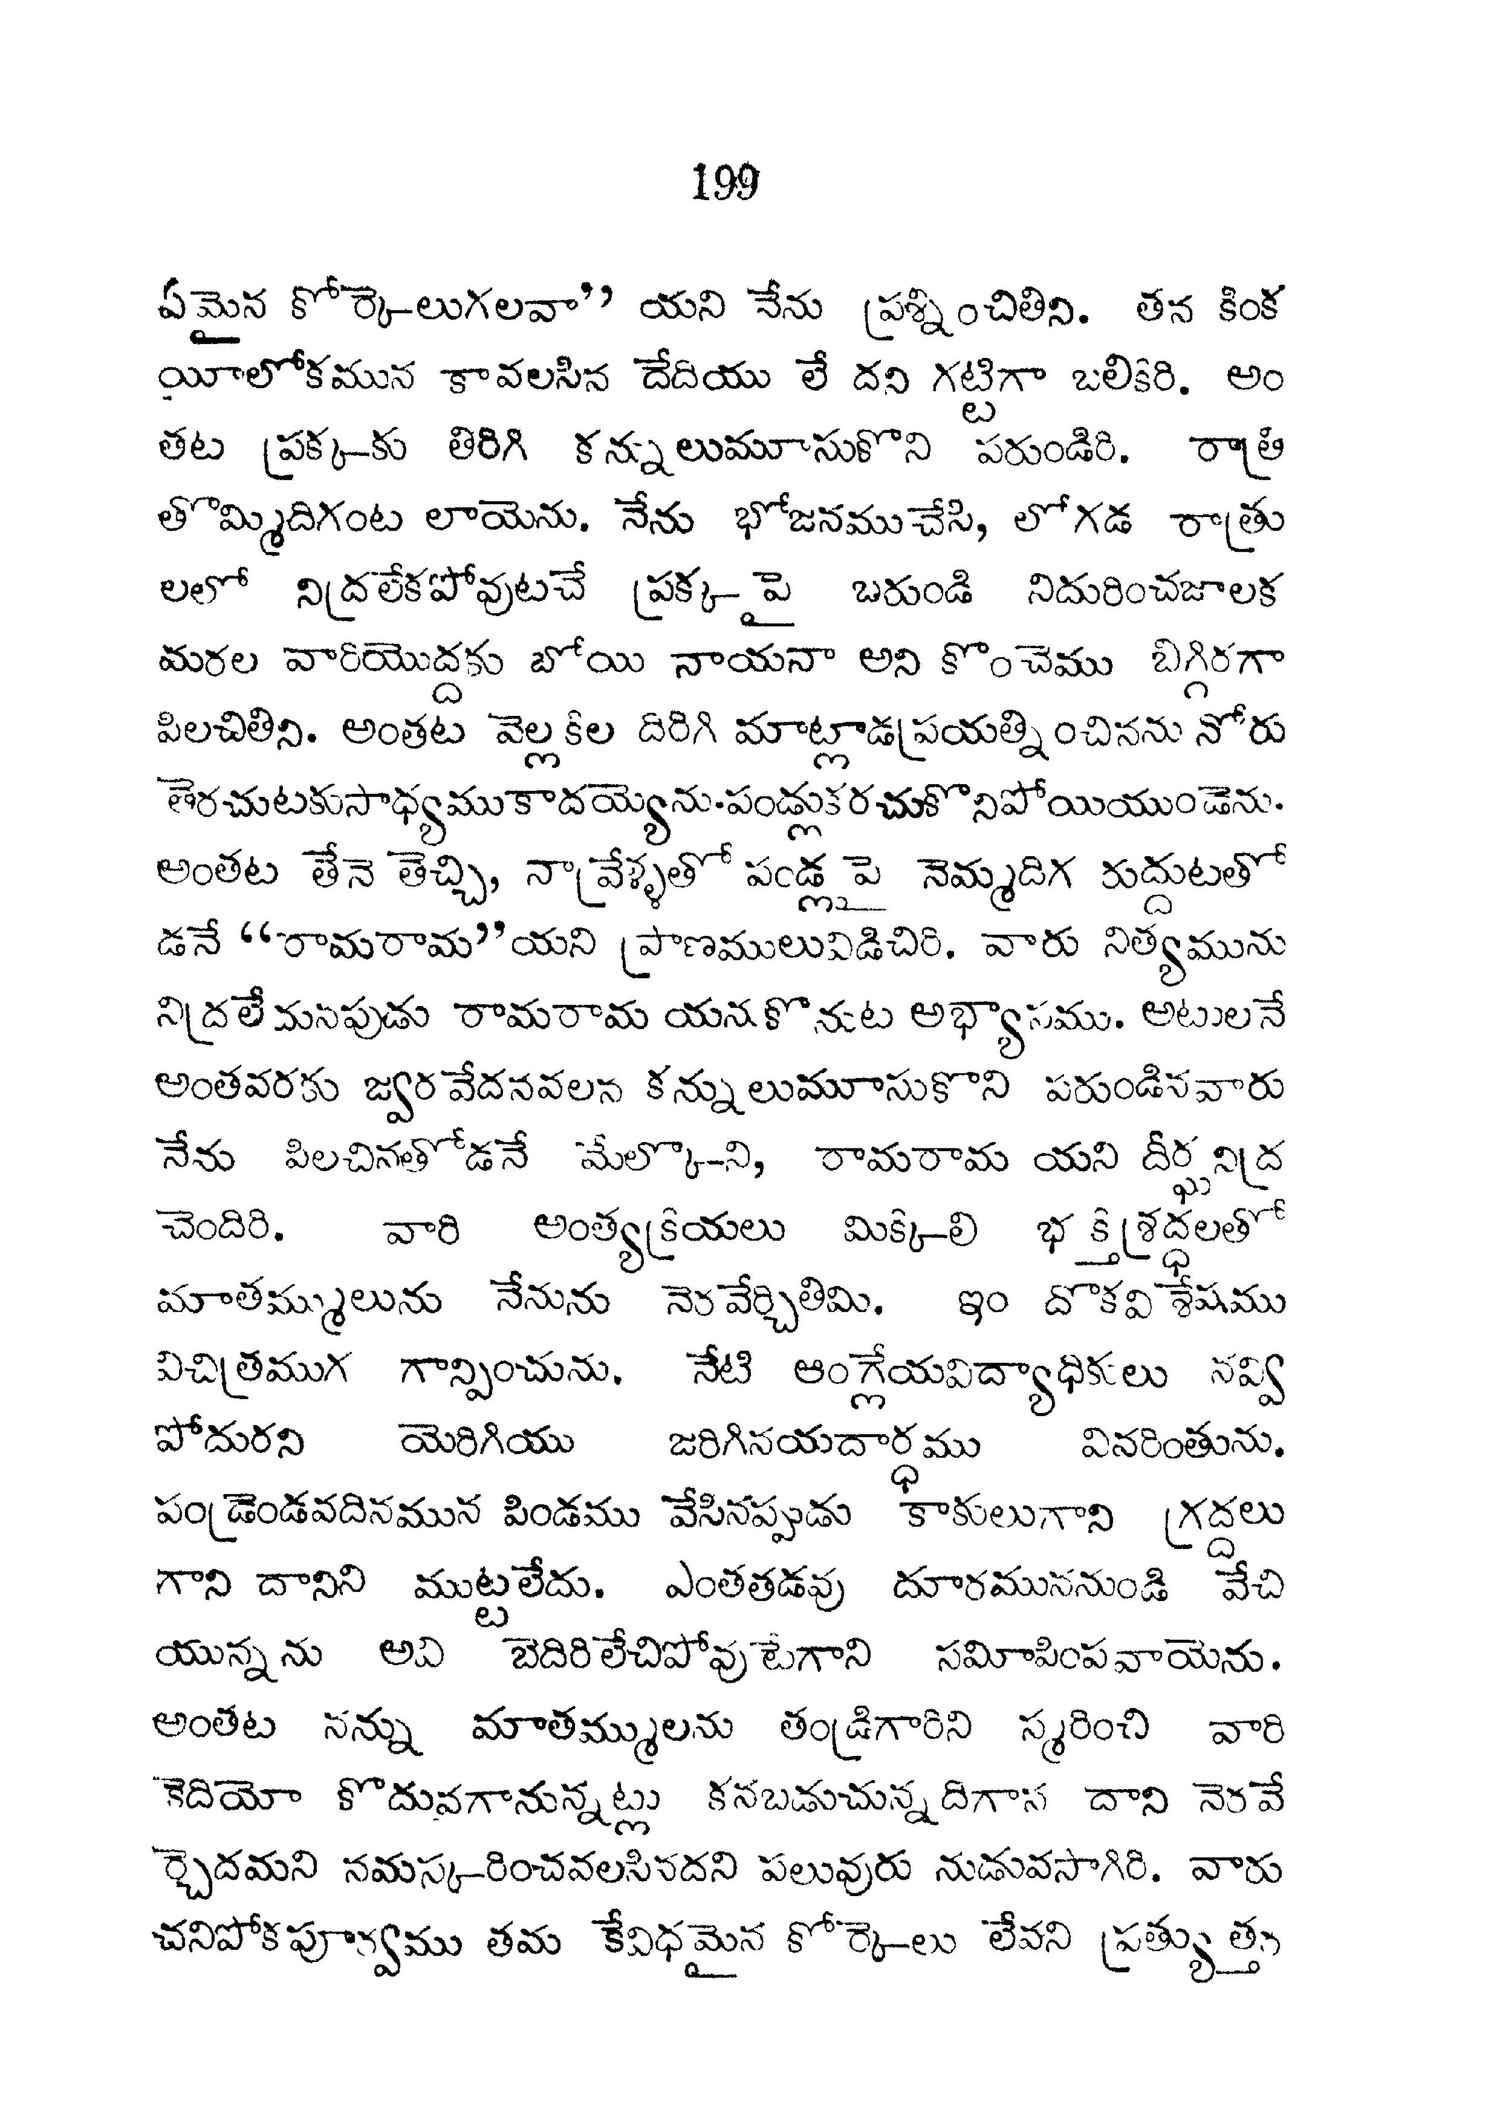ఏమైన కోర్కెలుగలవా" యని నేను ప్రశ్నించితిని. తన కింక యీలోకమున కావలసిన దేదియు లే దని గట్టిగా బలికిరి. అంతట ప్రక్కకు తిరిగి కన్నులుమూసుకొని పరుండిరి. రాత్రి తొమ్మిదిగంట లాయెను. నేను భోజనముచేసి, లోగడ రాత్రులలో నిద్రలేకపోవుటచే ప్రక్కపై బరుండి నిదురించజాలక మరల వారియొద్దకు బోయి నాయనా అని కొంచెము బిగ్గిరగా పిలచితిని. అంతట వెల్లకిల దిరిగి మాట్లాడప్రయత్నించినను నోరుతెరచుటకుసాధ్యముకాదయ్యెను. పండ్లుకరచుకొనిపోయియుండెను. అంతట తేనె తెచ్చి, నావ్రేళ్ళతో పండ్లపై నెమ్మదిగ రుద్దుటతోడనే "రామరామ"యని ప్రాణములువిడిచిరి. వారు నిత్యమును నిద్రలేచునపుడు రామరామ యనుకొనుట అభ్యాసము. అటులనే అంతవరకు జ్వరవేదనవలన కన్నులుమూసుకొని పరుండినవారు నేను పిలచినతోడనే మేల్కొని, రామరామ యని దీర్ఘనిద్రచెందిరి. వారి అంత్యక్రియలు మిక్కిలి భక్తిశ్రద్ధలతో మా తమ్ములును నేనును నెరవేర్చితిమి. ఇం దొకవిశేషము విచిత్రముగ గాన్పించును. నేటి ఆంగ్లేయవిద్యాధికులు నవ్విపోదురని యెరిగియు జరిగినయదార్థము వివరింతును. పండ్రెండవదినమున పిండము వేసినప్పుడు కాకులుగాని గ్రద్దలుగాని దానిని ముట్టలేదు. ఎంతతడవు దూరముననుండి వేచియున్నను అవి బెదరిలేచిపోవుటేగాని సమీపింపవాయెను. అంతట నన్ను మాతమ్ములను తండ్రిగారిని స్మరించి వారి కెదియో కొదువుగానున్నట్లు కనబడుచున్నదిగాన దాని నెరవేర్చెదమని నమస్కరించవలసినదని పలువురు నుడువసాగిరి. వారు చనిపోకపూర్వము తమ కేవిధమైన కోర్కెలు లేవని ప్రత్యుత్తర